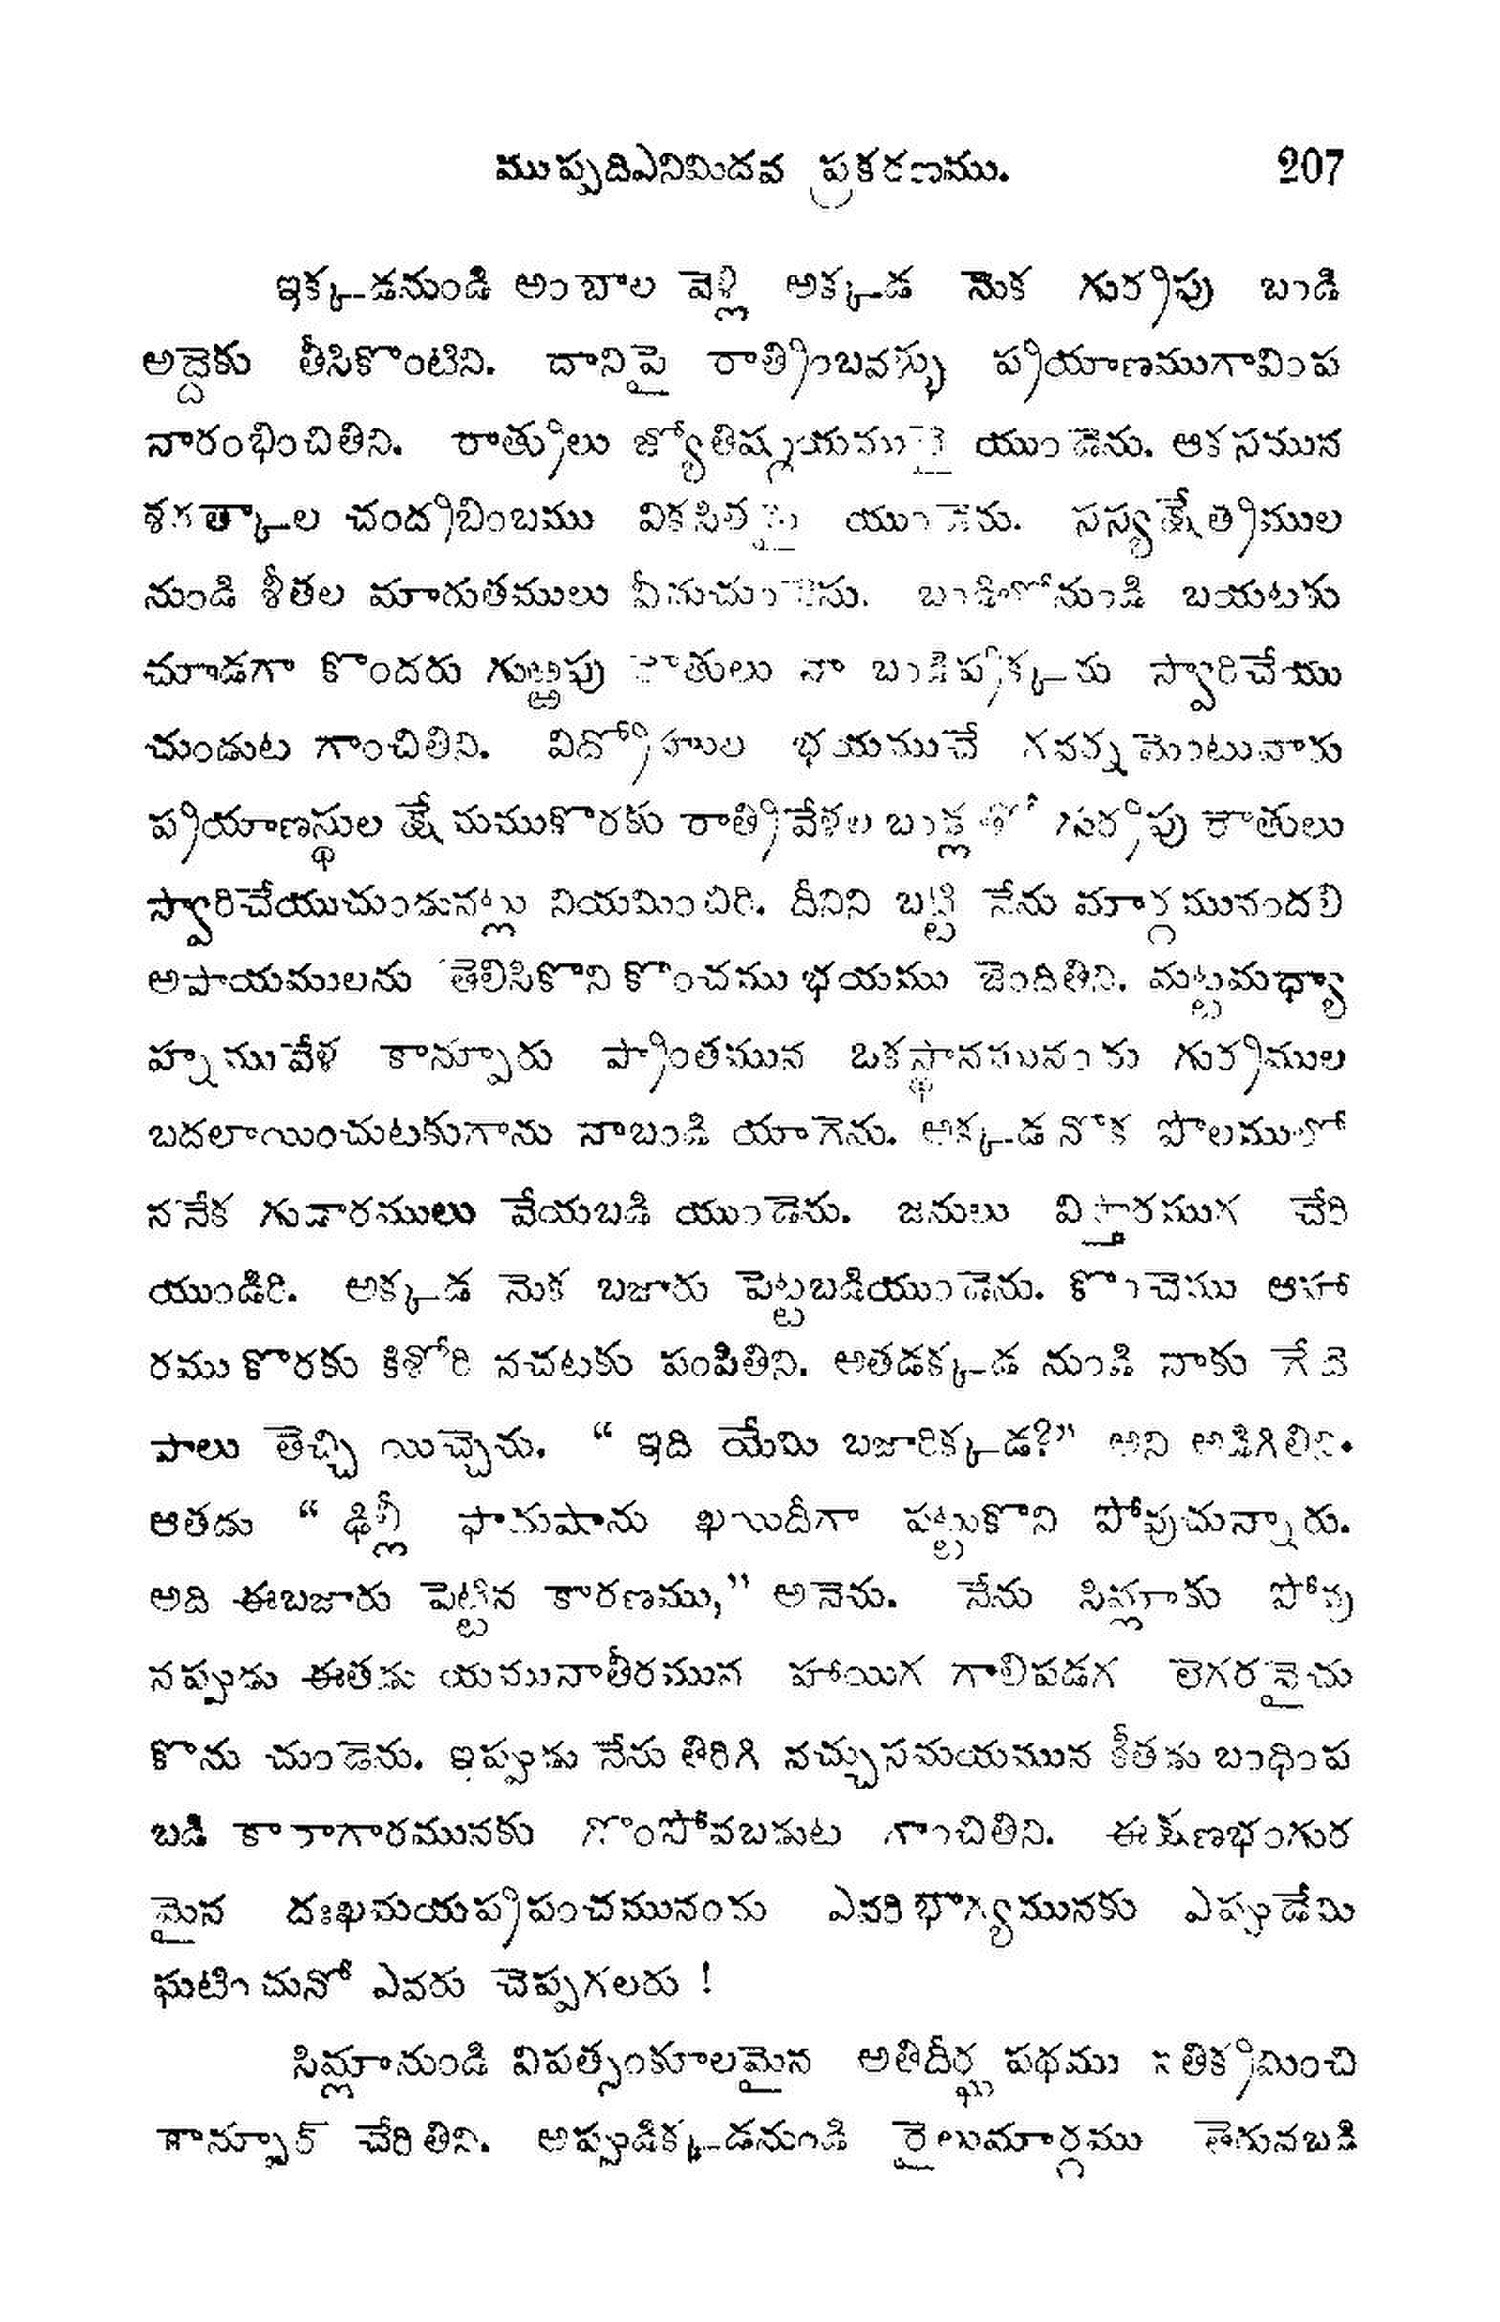ఇక్కడనుండి అంబాల పెళ్లి అక్కడ ఒక గుర్రపు బండి అద్దెకు తీసికొంటిని. 
దానిపై రాత్రింబవళ్ళు ప్రయాణము గావింప నారంభించితిని. రాత్రులు 
జ్యోతిష్మయుమునై యుండెను. ఆక సమున శగత్కాల చంద్రబింబము 
వికసికతమై యుండెను. సస్య క్షేత్రముల నుండి శీతల మారుతములు 
వీచుచుండెసు. బండిలో నుండి బయటకు చూడగా కొందరు గుర్రపు రౌతులు 
నా బండి ప్రక్కను స్వారి చేయు చుండుట గాంచితిని. విద్రోహుల భయముచే గవర్నమెంటు వారు ప్రయాణస్థుల క్షేమముకొరకు రాత్రి వేళ బండ్లతో 
గుర్రపు రౌతులు స్వారి చేయునట్లు నియమించిరి. దీనిని బట్టి
నేను మార్గమునందలి అపాయములను తెలిసికొని కొంచము భయము 
జెందితిని. మట్టమధ్యాహ్నము వేళ కాన్పూరు. ప్రాంతమున ఒక స్థానమునకు 
గుర్రముల బదలాయించుటకు గాను నా బండి యాగెను. అక్కడ నొక 
పొలములో ,ననేక గుడారములు వేయబడి యుండెను. జనులు
యుండిరి. అక్కడ ఒక బజారు పెట్టబడి యుంనెను. కొంచెము ఆహా
రము కొరకు కిశోరి నచటకు పంపితిని. అతడక్కడనుండి నాకు గేదె
పాలు తెచ్చి యిచ్చెను.ఇది యేమి బజారిక్కడ?" అని అడిగితిని. .
ఆతడు ఢిల్లీ ఫాదుషాను ఖయిదీగా పట్టుకొని పోవుచున్నారు.
అది ఈ బజారు పెట్టిన కారణము," అనెను. నేను సీమ్లాకు పోపు
నప్పుడు ఈతడు యమునాతీరమున హాయిగ గాలి పడగ లెగురవైచుకొను 
చుండెను.ఇప్పుడు నేను తిరిగి వచ్చు సమయమున నీతను బంధింప
బడి కాగారమునకు గొంపోవబడుట గాచితిని. ఈక్షణభంగుర
మైన దఃఖమయ ప్రపంచమునందు ఎవరి భాగ్యమునకు ఎప్పుడేమి
ఘటించునో ఎవరు చెప్పగలరు !

సిమ్లా నుండి విపత్సంకూలమైన అతి దీర్ఘ పథము నత్రికమించి
కాన్ పూర్ చేరి తిని. అప్పుడిక్కడనుండి రైలుమార్గము తెరువబడి